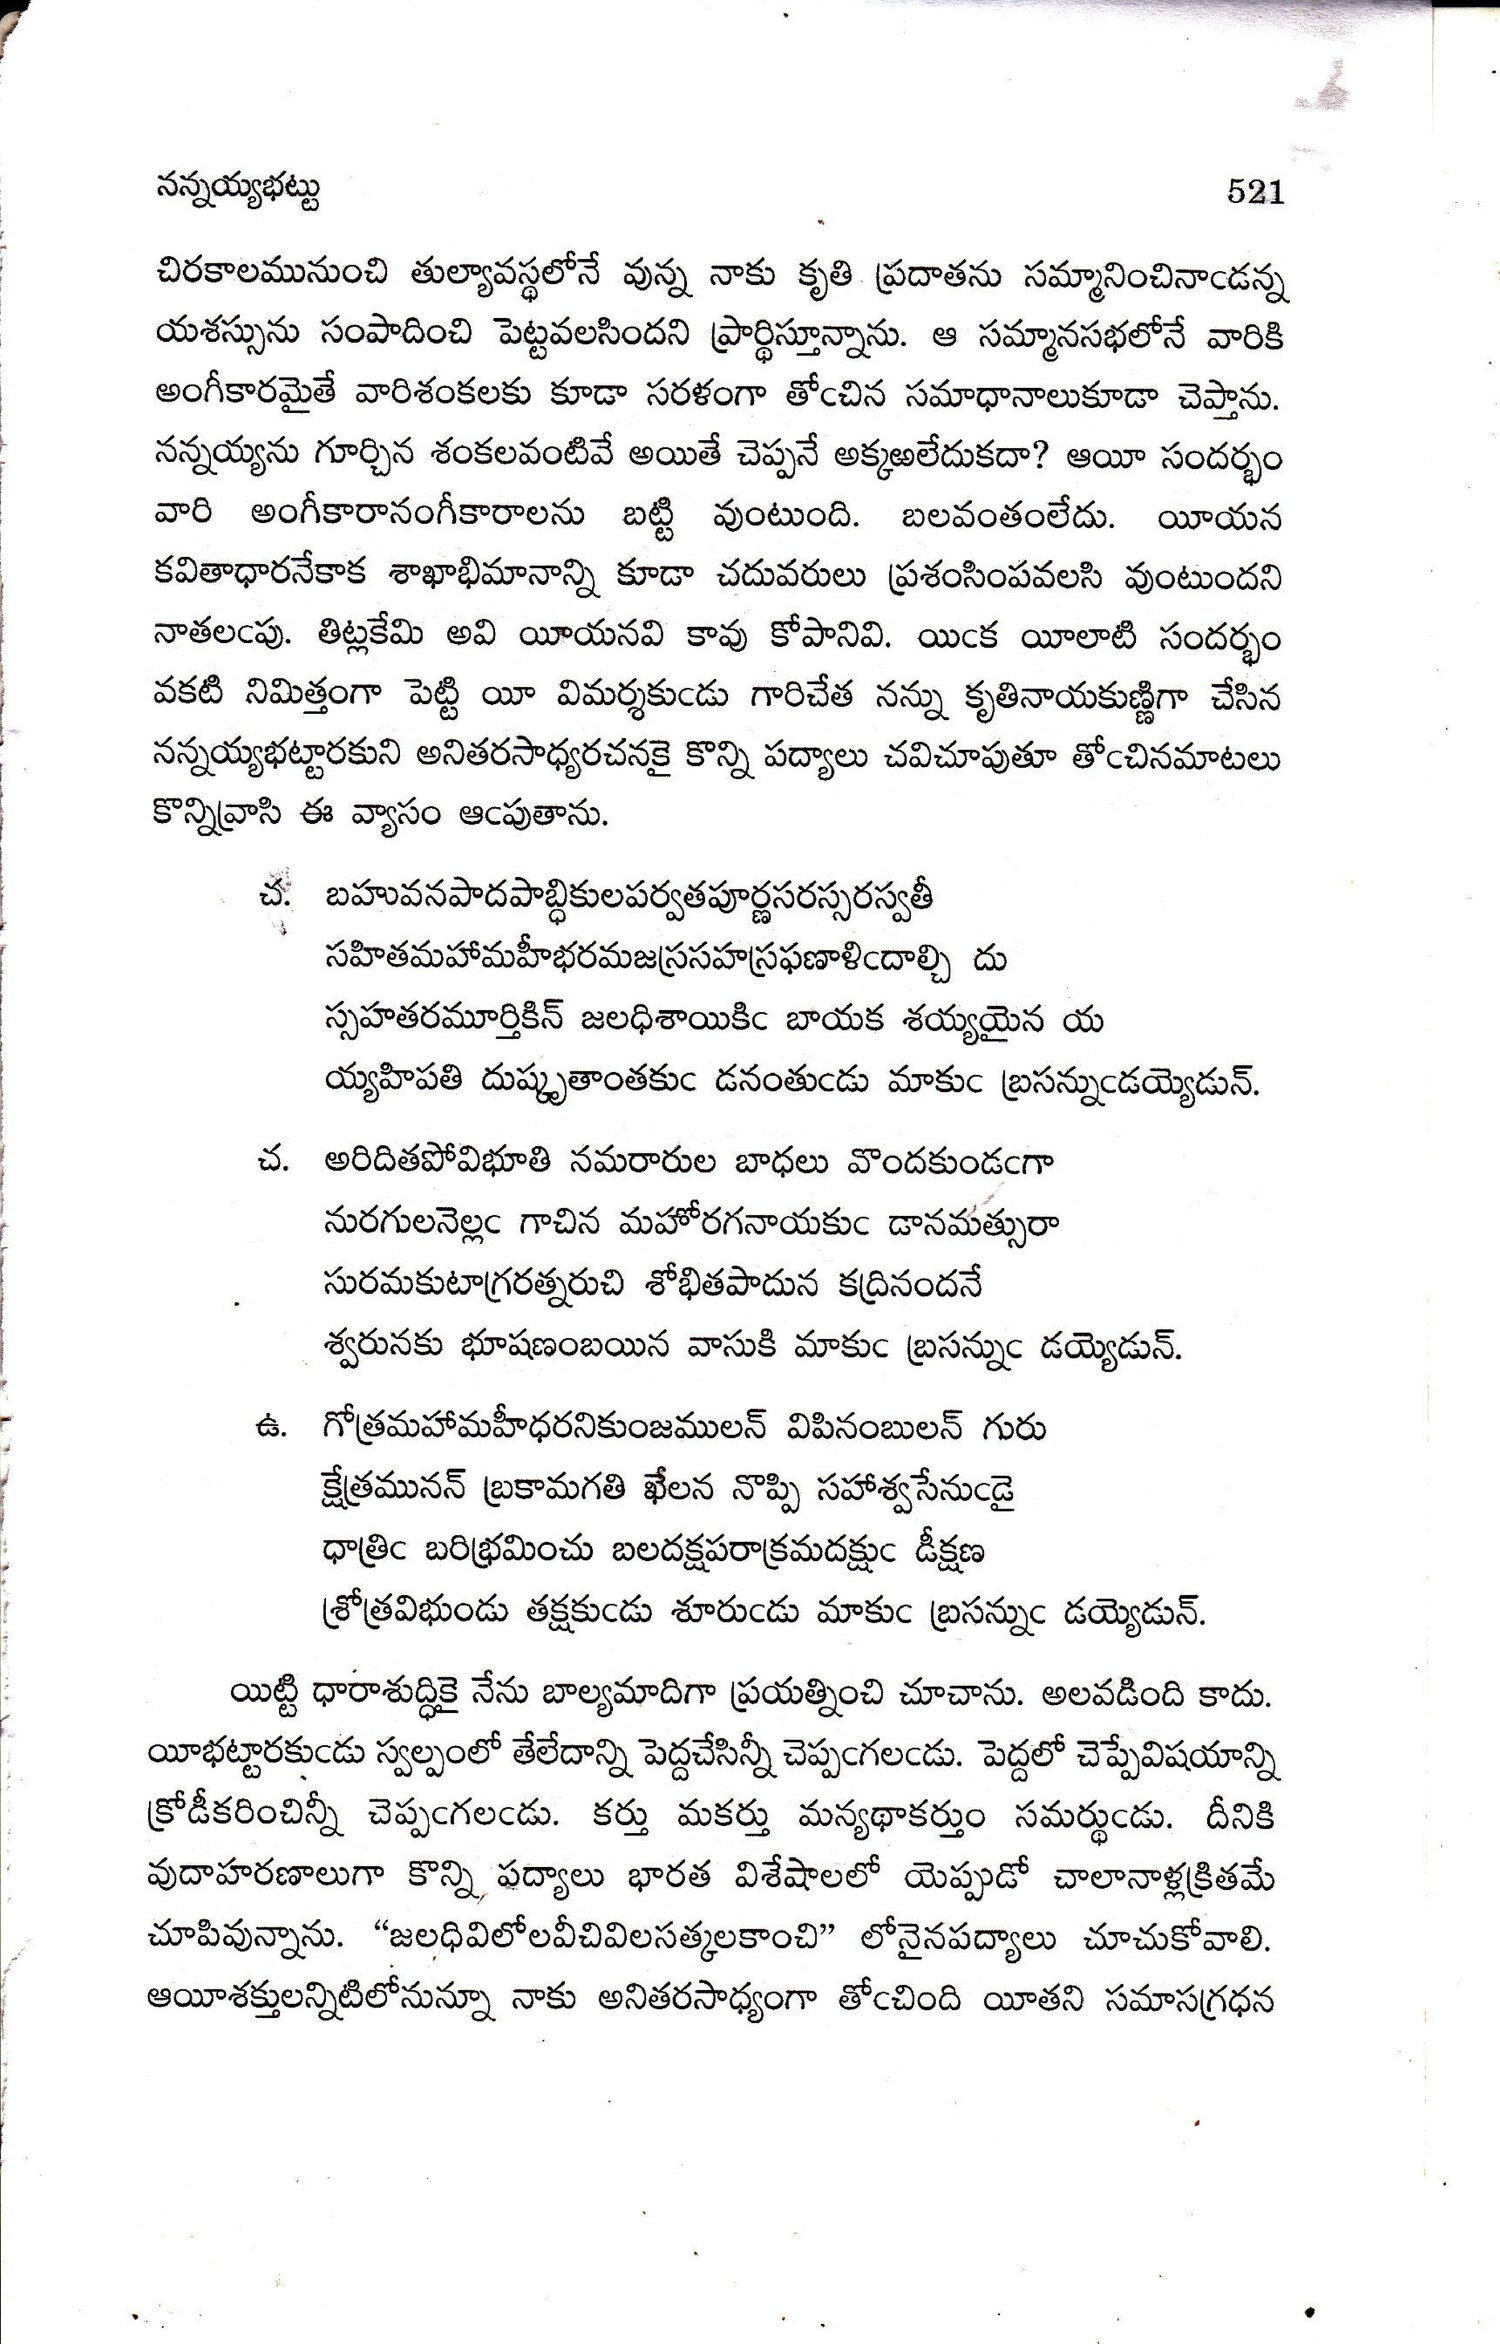చిరకాలమునుంచి తుల్యావస్థలోనే వున్న నాకు కృతి ప్రదాతను సమ్మానించినాఁడన్న యశస్సును సంపాదించి పెట్టవలసిందని ప్రార్థిస్తూన్నాను. ఆ సమ్మానసభలోనే వారికి అంగీకారమైతే వారిశంకలకు కూడా సరళంగా తోcచిన సమాధానాలుకూడా చెప్తాను. నన్నయ్యను గూర్చిన శంకలవంటివే అయితే చెప్పనే అక్కఱలేదుకదా? ఆయీ సందర్భం వారి అంగీకారానంగీకారాలను బట్టి వుంటుంది. బలవంతంలేదు. యీయన కవితాధారనేకాక శాఖాభిమానాన్ని కూడా చదువరులు ప్రశంసింపవలసి వుంటుందని నాతలఁపు. తిట్లకేమి అవి యీయనవి కావు కోపానివి. యిఁక యీలాటి సందర్భం వకటి నిమిత్తంగా పెట్టి యీ విమర్శకుఁడు గారిచేత నన్ను కృతినాయకుణ్ణిగా చేసిన నన్నయ్యభట్టారకుని అనితరసాధ్యరచనకై కొన్ని పద్యాలు చవిచూపుతూ తోcచినమాటలు కొన్నివ్రాసి ఈ వ్యాసం ఆఁపుతాను.

చ. బహువనపాదపాబ్ధికులపర్వతపూర్ణసరస్సరస్వతీ
 సహితమహామహీభరమజస్రసహస్రఫణాళిఁదాల్చి దు 
 స్పహతరమూర్తికిన్ జలధిశాయికిఁ బాయక శయ్యయైన య 
 య్యహిపతి దుష్కృతాంతకుఁ డనంతుఁడు మాకుఁ బ్రసన్నుఁడయ్యెడున్.

చ. అరిదితపోవిభూతి నమరారుల బాధలు వొందకుండcగా 
 నురగులనెల్లఁ గాచిన మహోరగనాయకుఁ డానమత్సురా 
 సురమకుటాగ్రరత్నరుచి శోభితపాదున కద్రినందనే 
 శ్వరునకు భూషణంబయిన వాసుకి మాకుఁ బ్రసన్నుఁ డయ్యెడున్.

ఉ. గోత్రమహామహీధరనికుంజములన్ విపినంబులన్ గురు
 క్షేత్రమునన్ బ్రకామగతి ఖేలన నొప్పి సహాశ్వసేనుఁడై 
 ధాత్రిఁ బరిభ్రమించు బలదక్షపరాక్రమదక్షుఁ డీక్షణ 
 శ్రోత్రవిభుండు తక్షకుఁడు శూరుఁడు మాకుఁ బ్రసన్నుఁ డయ్యెడున్.
యిట్టి ధారాశుద్ధికై నేను బాల్యమాదిగా ప్రయత్నించి చూచాను. అలవడింది కాదు. యీభట్టారకుఁడు స్వల్పంలో తేలేదాన్ని పెద్దచేసిన్నీ చెప్పఁగలఁడు. పెద్దలో చెప్పేవిషయాన్ని క్రోడీకరించిన్నీ చెప్పఁగలఁడు. కర్తు మకర్తు మన్యథాకర్తుం సమర్థుఁడు. దీనికి వుదాహరణాలుగా కొన్ని పద్యాలు భారత విశేషాలలో యెప్పుడో చాలానాళ్లక్రితమే చూపివున్నాను. "జలధివిలోలవీచివిలసత్కలకాంచి" లోనైనపద్యాలు చూచుకోవాలి. ఆయీశక్తులన్నిటిలోనున్నూ నాకు అనితరసాధ్యంగా తోఁచింది యీతని సమాసగ్రధన